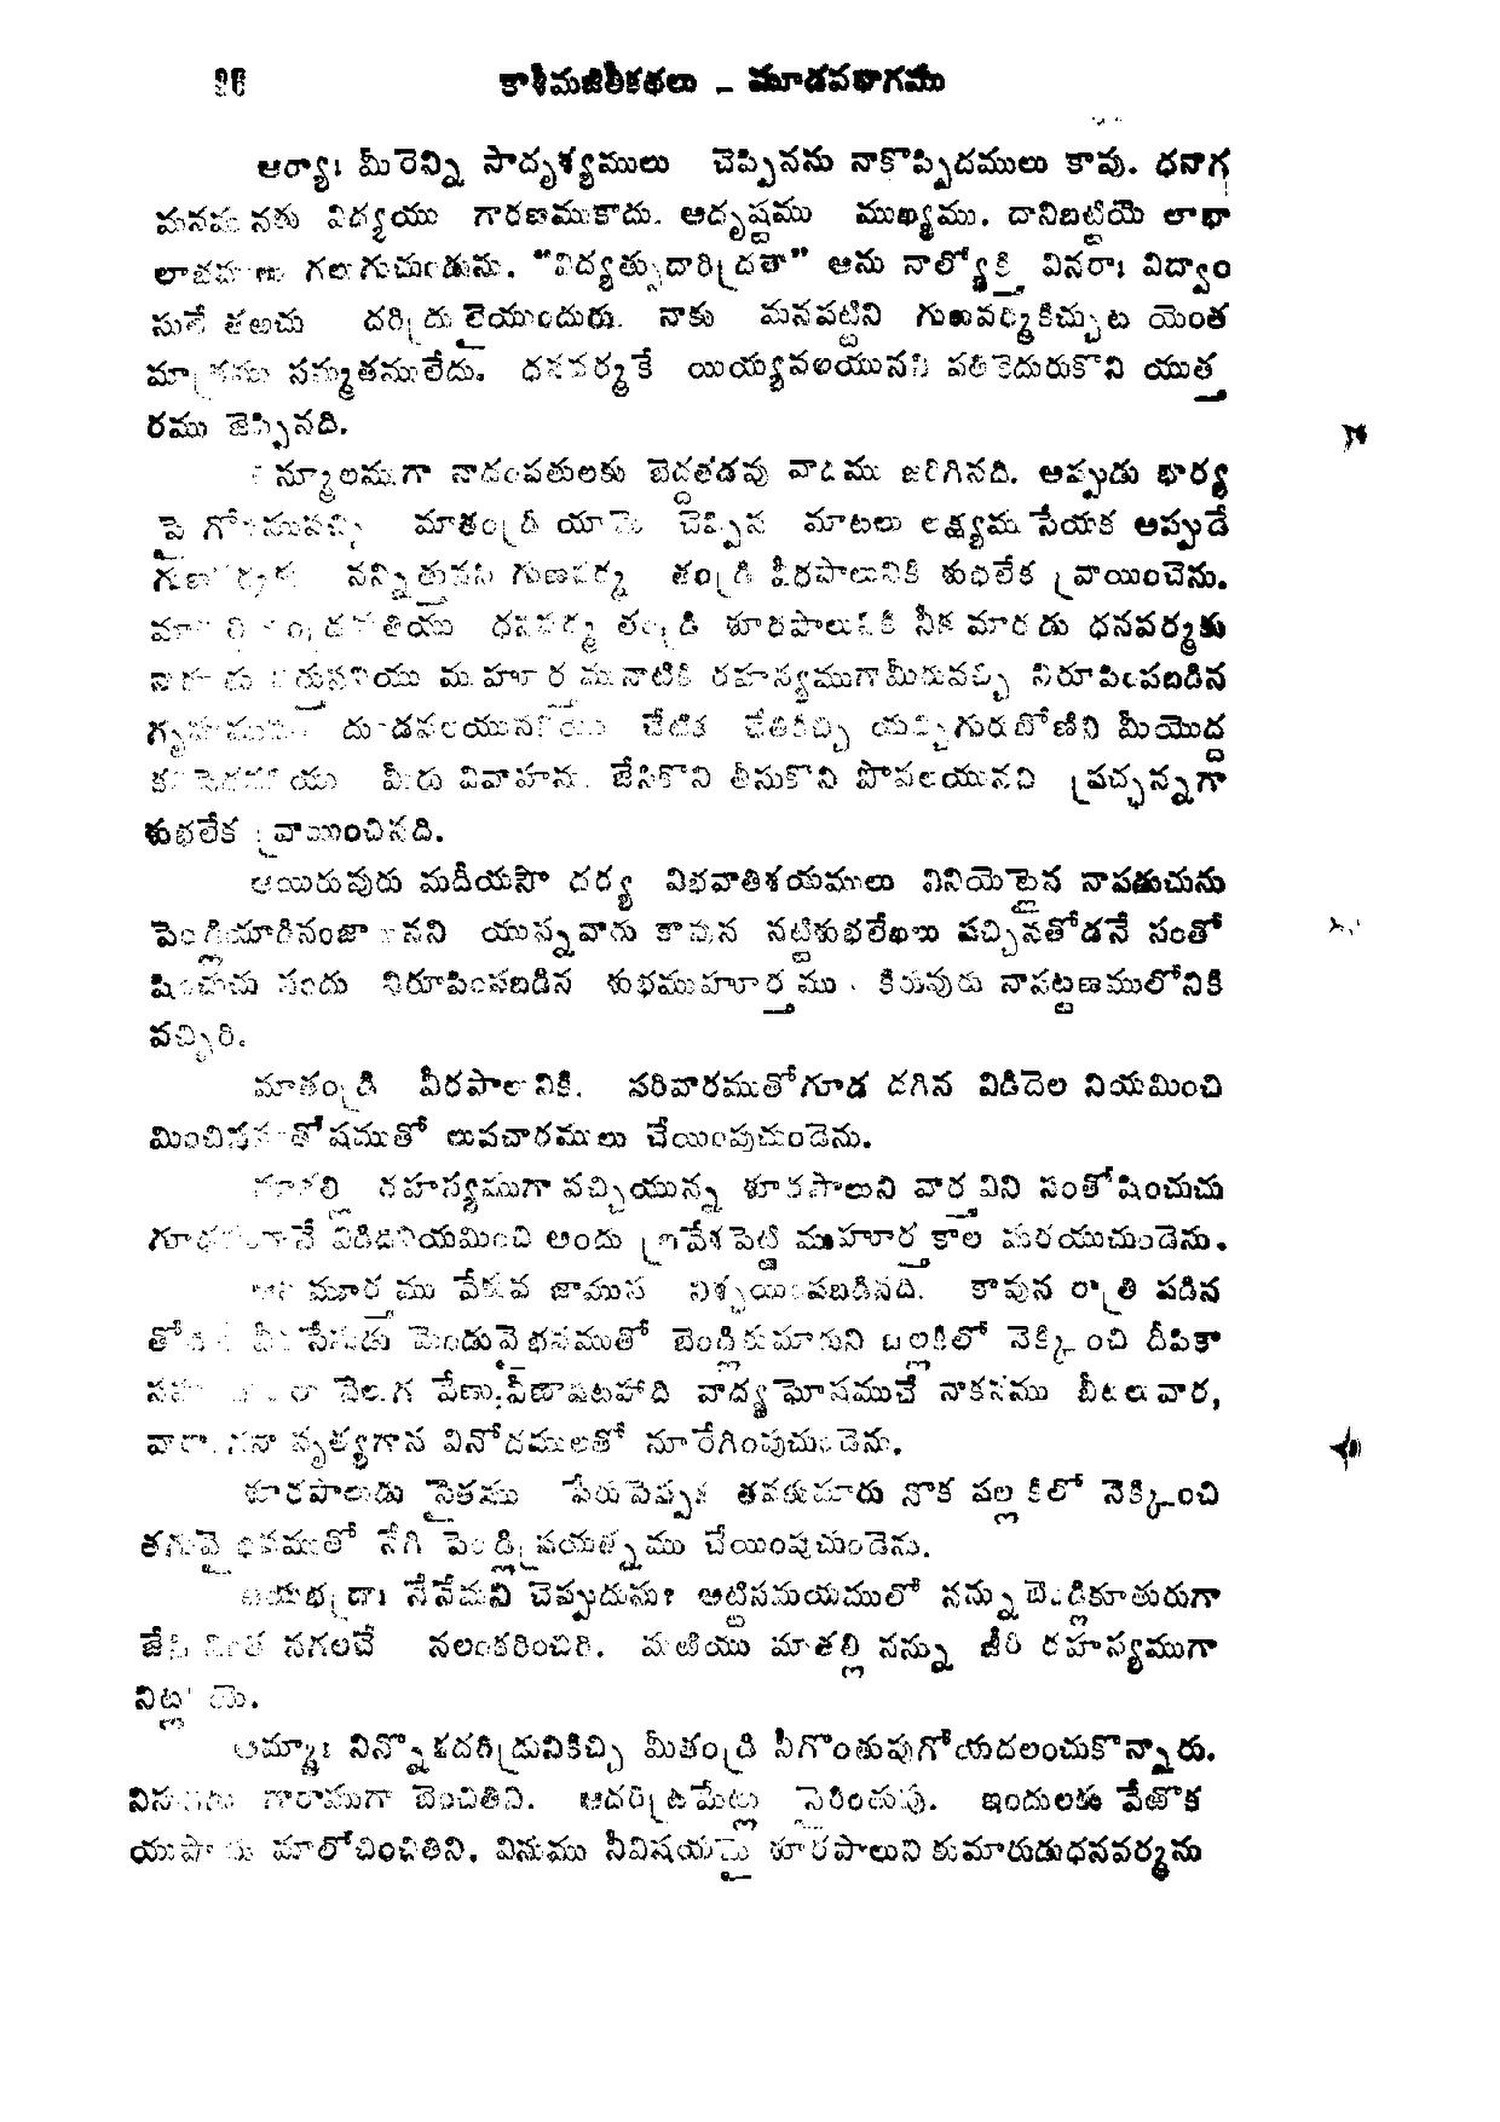ఆర్యా! మీరెన్ని సాదృశ్యములు చెప్పినను నాకొప్పిదములు కావు. ధనాగమనమునకు విద్యయు గౌరణముకాదు. అదృష్టము ముఖ్యము. దానిబట్టియె లాభాలాభములు గలుగుచుండును. "విద్యత్సుదారిద్రతా" అను నార్యోక్తి వినరా! విద్వాంసులే తఱచు దరిద్రులైయుందురు. నాకు మనపట్టిని గుణవర్మకిచ్చుట యెంత మాత్రము సమ్మతములేదు. ధనవర్మకే యియ్యవలయునని పతి కెదురుకొని యుత్తరము జెప్పినది.

తన్మూలముగా నాదంపతులకు బెద్దతడవు వాదము జరిగినది. అప్పుడు భార్యపై గోపము వచ్చి మాతండ్రి యామె చెప్పిన మాటలు లక్ష్యము సేయక అప్పుడే గుణవర్మకు నన్నిత్తునని గుణవర్మ తండ్రి వీరపాలునికి శుభలేఖ వ్రాయించెను. మాతల్లి చంద్రమతియు ధనవర్మ తండ్రి శూరపాలునికి నీకుమారుడు ధనవర్మకు నాకూతు నిత్తుననియు ముహూర్తమునాటికి రహస్యముగామీరువచ్చి నిరూపింపబడిన గృహమునం దుండవలయుననియు చేటిక చేతికిచ్చి యచ్చిగురుబోణిని మీయొద్ద కనిపెదననియు మీరు వివాహము జేసికొని తీసుకొని పోవలయునని ప్రచ్ఛన్నగా శుభలేఖ వ్రాయించినది.

ఆయిరువురు మదీయసౌందర్యవిభవాతిశయములు విని యెట్లైన నాపడుచును పెండ్లియాడినంజాలు నని యున్నవారు కావున నట్టిశుభలేఖ వచ్చినతోడనే సంతోషించుచు నందు నిరూపింపబడిన శుభముహూర్తము కిరువురు నాపట్టణములోనికి వచ్చిరి.

మాతండ్రి వీరపాలునికి పరివారముతోగూడ దగిన విడిదెల నియమించి మించినసంతోషముతో లుపచారములు చేయింపుచుండెను.

మాతల్లి రహస్యముగా వచ్చియున్న శూరపాలుని వార్తవిని సంతోషించుచు గూఢముగానే విడిదినియమించి అందు బ్రవేశపెట్టి ముహూర్తకాల మరయుచుండెను.

ఆముహూర్తము వేకువజామున నిశ్చయింపబడినది. కావున రాత్రి పడినతోడనే వీరసేనుడు మెండువైభవముతో బెండ్లికుమారుని బల్లకిలో నెక్కించి దీపికాసపుంజమున రా వెలఁగ వేణువీణాపటహాది వాద్యఘోషముచే నాకసము బీటలువార, వారాంగనానృత్యగానవినోదములతో నూరేగింపుచుండెను.

శూరపాలుడు సైతము పేరుసెప్పక తనకుమారు నొక పల్లకిలో నెక్కించి తగువైభవముతో నేగి పెండ్లి ప్రయత్నము చేయింపుచుండెను.

జయభద్రా! నేనేమని చెప్పుదును? ఆట్టిసమయములో నన్ను బెండ్లికూతురుగా జేసి వింతనగలచే నలంకరించిరి. మఱియు మాతల్లి నన్ను జీరి రహస్యముగా నిట్లనియె.

అమ్మా! ని న్నొకదరిద్రుని కిచ్చి మీతండ్రి నీగొంతువు గోయదలంచుకొన్నారు. నిన్ను కడుగారాముగా బెంచితిని. ఆదరిద్రమెట్లు సైరింతువు. ఇందులకు వేఱొక యూపాయ మాలోచించితిని. వినుము నీవిషయమై శూరపాలుని కుమారుడు ధనవర్మను